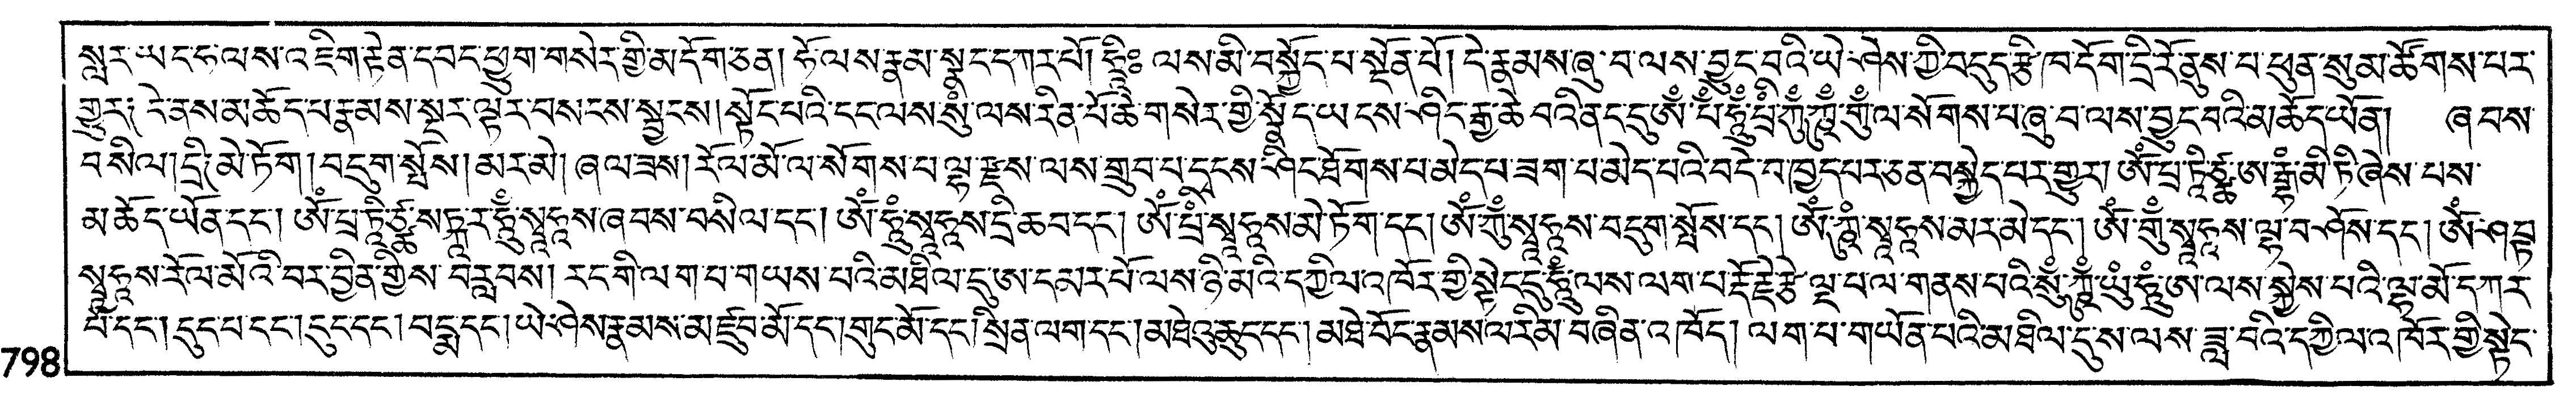སླར་ཡང་ཧ་ལས་འཇིག་རྟེན་དབང་ཕྱུག་གསེར་གྱི་མདོག་ཅན། ཧོ་ལས་རྣམ་སྣང་དཀར་པོ། ཧྲཱིཿ ལས་མི་བསྐྱོད་པ་སྔོན་པོ། དེ་རྣམས་ཞུ་བ་ལས་བྱུང་བའི་ཡེ་ཤེས་ཀྱི་བདུད་རྩི་ཁ་དོག་དྲི་རོ་ནུས་པ་ཕུན་སུམ་ཚོགས་པར་
གྱུར༑ དེ་ནས་མཆོད་པ་རྣམས་སྔར་ལྟར་བསངས་སྦྱངས། སྟོང་པའི་ངང་ལས་སུཾ་ལས་རིན་པོ་ཆེ་གསེར་གྱི་སྣོད་ཡངས་ཤིང་རྒྱ་ཆེ་བའི་ནང་དུ་ཨཾ་པཾ་ཧཱུཾ་པྲིཾ་ཀུཾ་ཀྵུཾ་གུཾ་ལ་སོགས་པ་ཞུ་བ་ལས་བྱུང་བའི་མཆོད་ཡོན། ཞབས་
བསིལ། དྲི༑ མེ་ཏོག །བདུག་སྤོས། མར་མེ། ཞལ་ཟས། རོལ་མོ་ལ་སོགས་པ་ལྷ་རྫས་ལས་གྲུབ་པ་དྭངས་ཤིང་ཐོགས་པ་མེད་པ་ཟག་པ་མེད་པའི་བདེ་བ་ཁྱད་པར་ཅན་བསྐྱེད་པར་གྱུར། ཨོཾ་པྲ་ཏཱི་ཙྪ་ཨ་རྒྷཾ་མི་ཏི་ཞེས་པས་
མཆོད་ཡོན་དང་། ཨོཾ་པྲ་ཏཱི་ཙྪ་སཏྐཱ་ར་ཧཱུཾ་སྭཱཧཱས་ཞབས་བསིལ་དང་། ཨོཾ་ཧཱུཾ་སྭཱཧཱས་དྲི་ཆབ་དང་། ཨོཾ་པྲཾ་སྭཱཧཱས་མེ་ཏོག་དང་། ཨོཾ་ཀུཾ་སྭཱཧཱས་བདུག་སྤོས་དང་། ཨོཾ་ཀྵུཾ་སྭཱཧཱས་མར་མེ་དང་། ཨོཾ་གུཾ་སྭཱཧཱས་ལྷ་བཤོས་དང་། ཨོཾ་ཤཔྟ་
སྭཱཧཱས་རོལ་མོའི་བར་བྱིན་གྱིས་བརླབས། རང་གི་ལག་པ་གཡས་པའི་མཐིལ་དུ་ཨ་དམར་པོ་ལས་ཉི་མའི་དཀྱིལ་འཁོར་གྱི་སྟེང་དུ་ཧཱུཾ་ལས་ལག་པ་རྡོ་རྗེ་རྩེ་ལྔ་པ་ལ་གནས་པའི་སུཾ་ཀྵུཾ་ཡུཾ་ཧཱུཾ་ཨ་ལས་སྐྱེས་པའི་ལྷ་མོ་དཀར་
པོ་དང་། དུད་པ་དང་། དུད་དང་། པདམ་དང་། ཡེ་ཤེས་རྣམས་མཛུབ་མོ་དང་། གུང་མོ་དང་། སྲིན་ལག་དང་། མཐེའུ་ཆུང་དང་། མཐེ་བོང་རྣམས་ལ་རིམ་བཞིན་འཁོད། ལག་པ་གཡོན་པའི་མཐིལ་དུ་ས་ལས་ཟླ་བའི་དཀྱིལ་འཁོར་གྱི་སྟེང་